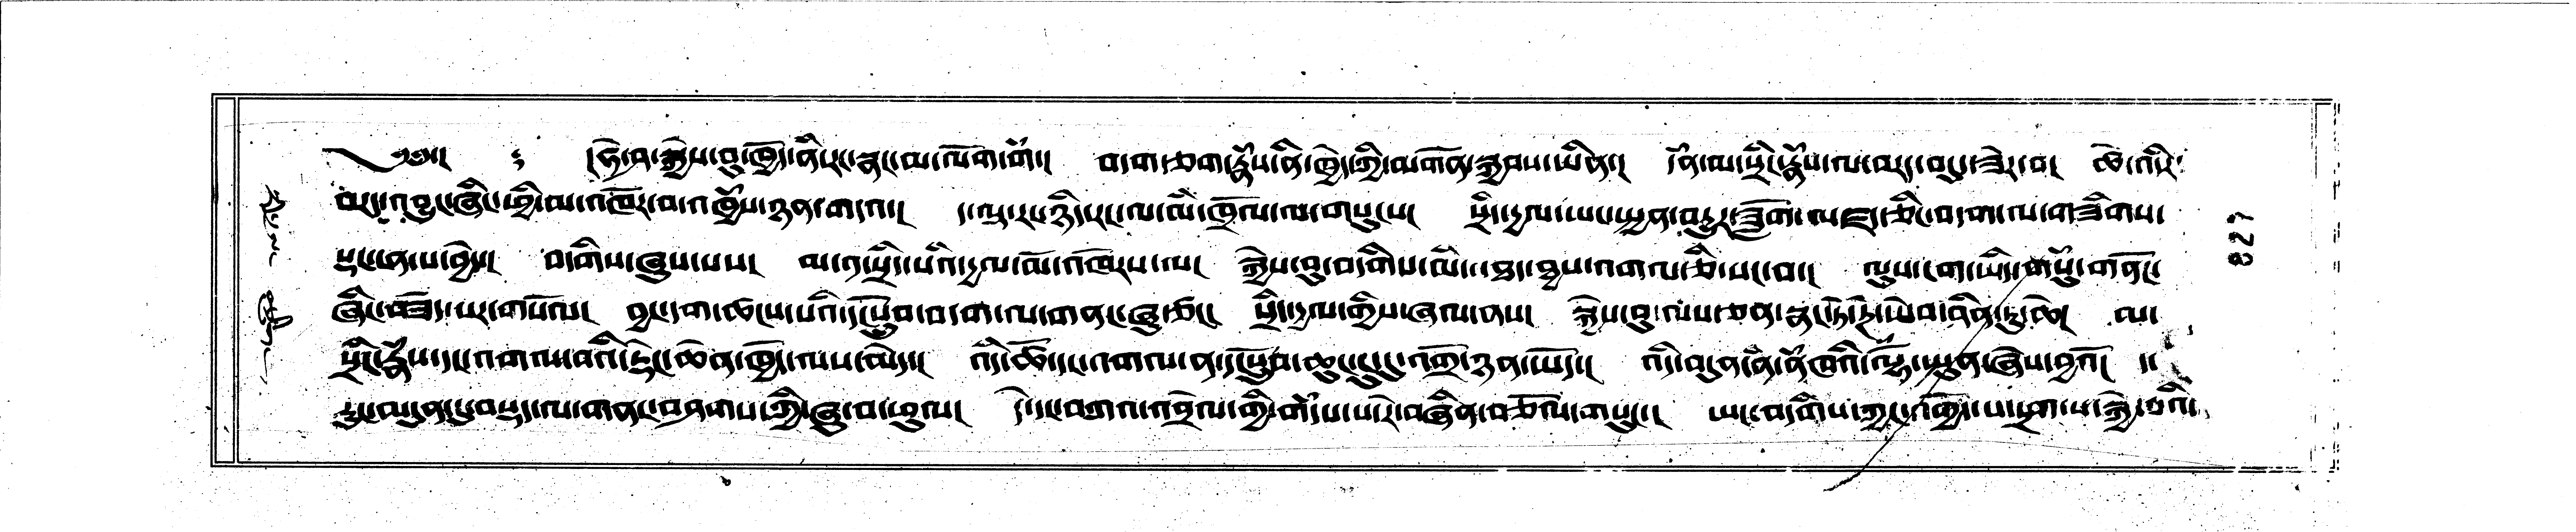ཧེ་ཤ་སྐྱེས་བུ་ཁྱེད་ནི་རང་སྣང་མ་ལོག་གམ། །བདག་ཅག་རྣམས་ནི་ཁྱེད་ཀྱི་མགོན་སྐྱབས་ཡིན། །དམ་ཅན་མ་སྲིང་རྣམས་ལ་བར་ཆད་བདུད་ཟེར་བ། །ཚེ་འདིར་
བར་ཆད་འབྱུང་ཞིང་ཕྱི་མ་འཁོར་བར་འཁྱམས་ཉན་གདའ། །ད་ལྟ་རང་ཉིད་རང་ལ་མི་ཁྲོལ་ལ་གསུངས། །སྲིད་རྒྱལ་ཡང་སྤྱན་བརྒྱུར་ཟློག་མཛད་ཅིང་བདག་ལ་གཟིགས་
སྡང་ངན་པ་བྱེད། བདག་གིས་ཞུས་པས། མ་གཅིག་སྲིད་པའི་རྒྱལ་མོ་འཁོར་བཅས་ལ། །སྐྱེས་བུ་བདག་གི་མི་འཐད་ཐུགས་འགལ་ཅི་སོང་བ། །ལུས་ངག་ཡིད་གསུམ་གནོང་
ཞིང་བཟོད་པར་གསོལ། །བྱང་དག་ཚངས་པའི་དངོས་གྲུབ་བདག་ལ་གནང་ཞུ་ཙ། སྲིད་རྒྱལ་གྱི་ཞལ་ནས། སྐྱེས་བུ་ལས་ཅན་སྣང་ཏེ་རྔེ་ཡེབ་ཤིན་ཏུ་ཆེ། །མ་
སྲིང་རྣམས་དང་འགལ་བའི་རྡིང་ཆེན་ཁྱོད་ལས་མེད། འདི་ཚོ་དང་འགལ་ན་དངོས་གྲུབ་ཆུ་ངུ་དུ་འགྲོ་ཉེན་ཡོད། འདི་བདུན་ནི་ནམ་མཁའི་ལྷ་མོ་སྤུན་ཞེས་བྱའོ། །ད་
རུང་མདུན་དུ་བསྡད་ལ་གནོང་བཤགས་ཀྱི་ཞུ་བ་ཕུལ། དེ་དང་བཀའ་འབྲེལ་གྱི་གདམས་པ་རེ་བཞིན་བཅོལ་གསུངས། ཡང་བདག་གིས་ཀྱང་འགྱོད་པ་དྲག་པོ་སྐྱེ་བའི་